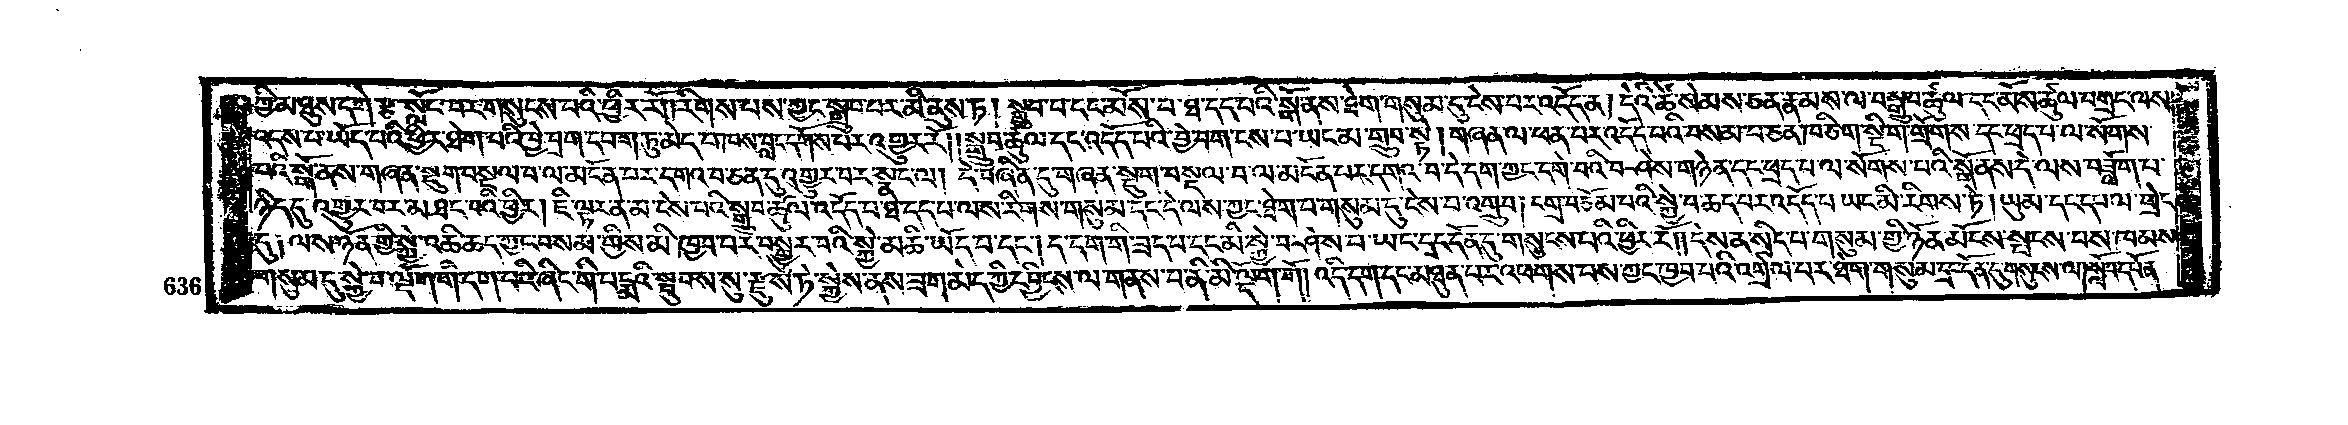ཀྱི་མ་ཐུས་དགེ་རྩ་སློང་བར་གསུངས་པའི་ཕྱིར་རོ། །རིགས་པས་ཀྱང་སྒྲུབ་པར་མི་ནུས་ཏེ། སྒྲུབ་པ་དང་མོས་པ་ཐ་དད་པའི་སྒོ་ནས་ཐེག་གསུམ་དུ་ངེས་པར་འདོད་ན། དེའི་ཚེ་སེམས་ཅན་རྣམས་ལ་བསྒྲུབ་ཚུལ་དང་མོས་ཚུལ་བགྲང་ལས་
འདས་པ་ཡོད་པའི་ཕྱིར་ཐེག་པའི་བྱེ་བྲག་དཔག་ཏུ་མེད་པ་ཁས་བླང་དགོས་པར་འགྱུར་རོ། །སྒྲུབ་ཚུལ་དང་འདོད་པའི་བྱེ་བྲག་ངེས་པ་ཡང་མ་གྲུབ་སྟེ། གཞན་ལ་ཕན་པར་འདོད་པའི་བསམ་པ་ཅན་ཁ་ཅིག་སྡིག་གྲོགས་དང་ཕྲད་པ་ལ་སོགས་
པའི་སྒོ་ནས་གཞན་སྡུག་བསྔལ་བ་ལ་མངོན་པར་དགའ་བ་ཅན་དུ་འགྱུར་བར་སྣང་ལ། དེ་བཞིན་དུ་གཞན་སྡུག་བསྔལ་བ་ལ་མངོན་པར་དགའ་བ་དེ་དག་ཀྱང་དགེ་བའི་བཤེས་གཉེན་དང་ཕྲད་པ་ལ་སོགས་པའི་སྒོ་ནས་དེ་ལས་བཟློག་པ་
ཉིད་དུ་འགྱུར་བར་མཐོང་བའི་ཕྱིར། ཇི་ལྟར་ན་མ་ངེས་པའི་སྒྲུབ་ཚུལ་འདོད་པ་ཐ་དད་པ་ལས་རིགས་གསུམ་དང་དེ་ལས་ཀྱང་ཐེག་པ་གསུམ་དུ་ངེས་པ་འགྲུབ། དགྲ་བཅོམ་པའི་སྐྱེ་བ་ཆད་པར་འདོད་པ་ཡང་མི་རིགས་ཏེ། ཡུམ་དང་དཔལ་ཕྲེང་
དུ། ལས་ཉོན་གྱི་སྐྱེ་འཆི་ཚད་ཀྱང་བསམ་གྱིས་མི་ཁྱབ་པར་བསྒྱུར་བའི་སྐྱེ་མཆི་ཡོད་པ་དང་། དེ་དག་གི་ཟད་པ་དང་མི་སྐྱེ་བ་ཤེས་པ་ཡང་དྲང་དོན་དུ་གསུངས་པའི་ཕྱིར་རོ། །དེས་ན་སྲིད་པ་གསུམ་གྱི་ཉོན་མོངས་སྤངས་པས་ཁམས་
གསུམ་དུ་སྐྱེ་བ་ལྡོག་གི་དག་པའི་ཞིང་གི་པདམའི་སྦུབས་སུ་རྫུས་ཏེ་སྐྱེས་ནས་ཟག་མེད་ཀྱི་དབྱིངས་ལ་གནས་པ་ནི་མི་ལྡོག་གོ །འདི་དག་དང་མཐུན་པར་འཕགས་པས་ཀྱང་ཁྱབ་པའི་འགྲེལ་པར་ཐེག་གསུམ་དྲང་དོན་དུ་གསུངས་ལ། སློབ་དཔོན་